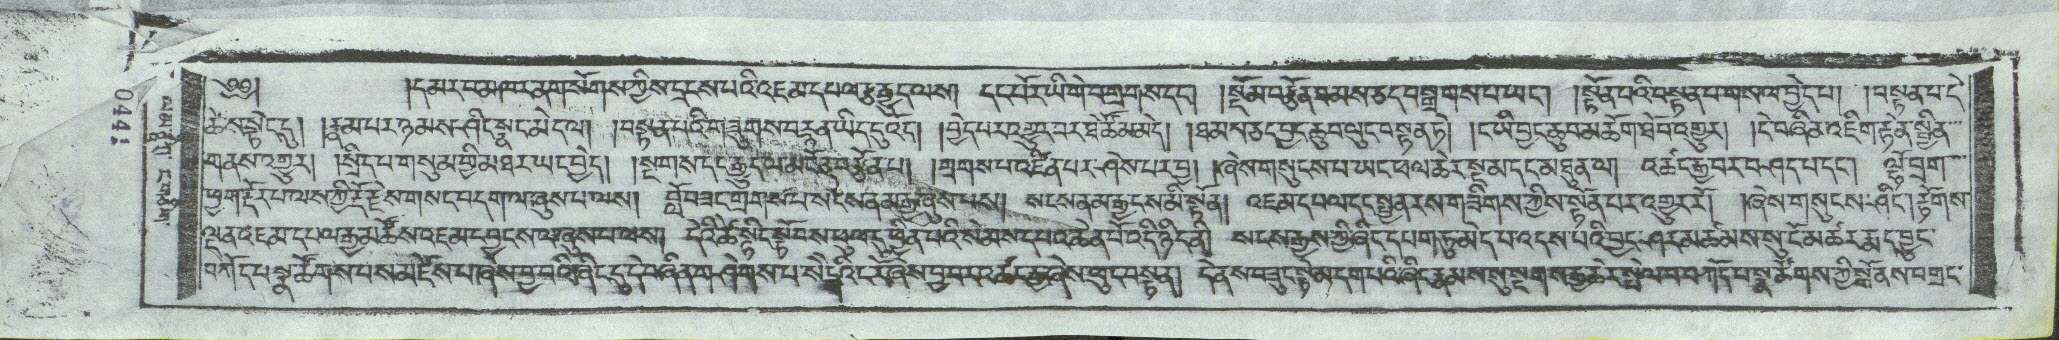༄༅། །དམར་བ་མཁར་ནག་སོགས་ཀྱིས་དྲངས་པའི་འཇམ་དཔལ་རྩ་རྒྱུད་ལས། དང་པོར་ཡི་གེ་བ་གྲགས་དང་། །སྡོམ་བརྩོན་ཐམས་ཅད་བསྒྲགས་པ་ཡང་། །སྟོན་པའི་བསྟན་པ་གསལ་བྱེད་པ། །བསྟན་པ་དེ་
ཚེས་སྟེང་དུ། །རྣམ་པར་ཉམས་ཤིང་སྣང་མེད་ལ། །བསྟན་པའི་གཟུགས་བརྙན་ཡིད་དུ་འོང་། །བྱེད་པར་འགྱུར་བར་ཐེ་ཚོམ་མེད། །ཐམས་ཅད་བྱང་ཆུབ་ལུང་བསྟན་ཏེ། །ང་ཡི་བྱང་ཆུབ་མཆོག་ཐོབ་འགྱུར། །དེ་བཞིན་འཇིག་རྟེན་སྦྱིན་
གནས་འགྱུར། །སྲིད་པ་གསུམ་གྱི་མཐར་ཡང་བྱེད། །སྔགས་དང་རྒྱུད་ལ་མངོན་བརྩོན་པ། །གྲགས་པ་འཛིན་པར་ཤེས་པར་བྱ། །ཞེས་གསུངས་པ་ཡང་ཕལ་ཆེར་སྔ་མ་དང་མཐུན་ལ། འཚང་རྒྱ་བར་བཤད་པ་དང་། ལྷོ་བྲག་
ཕྱག་རྡོར་པ་ལས་ཀྱི་རྡོ་རྗེས་གསང་བདག་ལ་ཞུས་པ་ལས། བློ་བཟང་གྲགས་པ་སངས་ནམ་རྒྱ་ཞུས་པས། སངས་ནམ་རྒྱངས་མི་སྟོན། འཇམ་དཔལ་དང་སྤྱན་རས་གཟིགས་ཀྱིས་སྟོན་པར་འགྱུར་རོ། །ཞེས་གསུངས་ཤིང་། རྟོགས་
ལྡན་འཇམ་དཔལ་རྒྱ་མཚོས་འཇམ་དབྱངས་ལ་ཞུས་པ་ལས། དེའི་ཚེ་སྙིང་སྟོབས་ཕུལ་དུ་ཕྱིན་པའི་སེམས་དཔའ་ཆེན་པོ་འདི་ཉིད་ནི། །སངས་རྒྱས་ཀྱི་ཞིང་དཔག་ཏུ་མེད་པ་འདས་པའི་བྱང་ཤར་མཚམས་སུ་ངོ་མཚར་རྨད་བྱུང་
བཀོད་པ་སྣ་ཚོགས་པས་མཛེས་པ་ཞེས་བྱ་བའི་ཞིང་དུ་དེ་བཞིན་གཤེགས་པ་སེངྒེའི་ང་རོ་ཞེས་བྱ་བར་འཚར་རྒྱ་ཞེས་ལུང་བསྟན། དེ་ནས་བཞུང་སྟེ་མ་དག་པའི་ཞིང་རྣམས་སུ་སྔགས་རྒྱ་ཚེ་སྤེལ་བ་བཀོད་པ་སྣ་ཚོགས་ཀྱི་སྒོ་ནས་བགྲང་